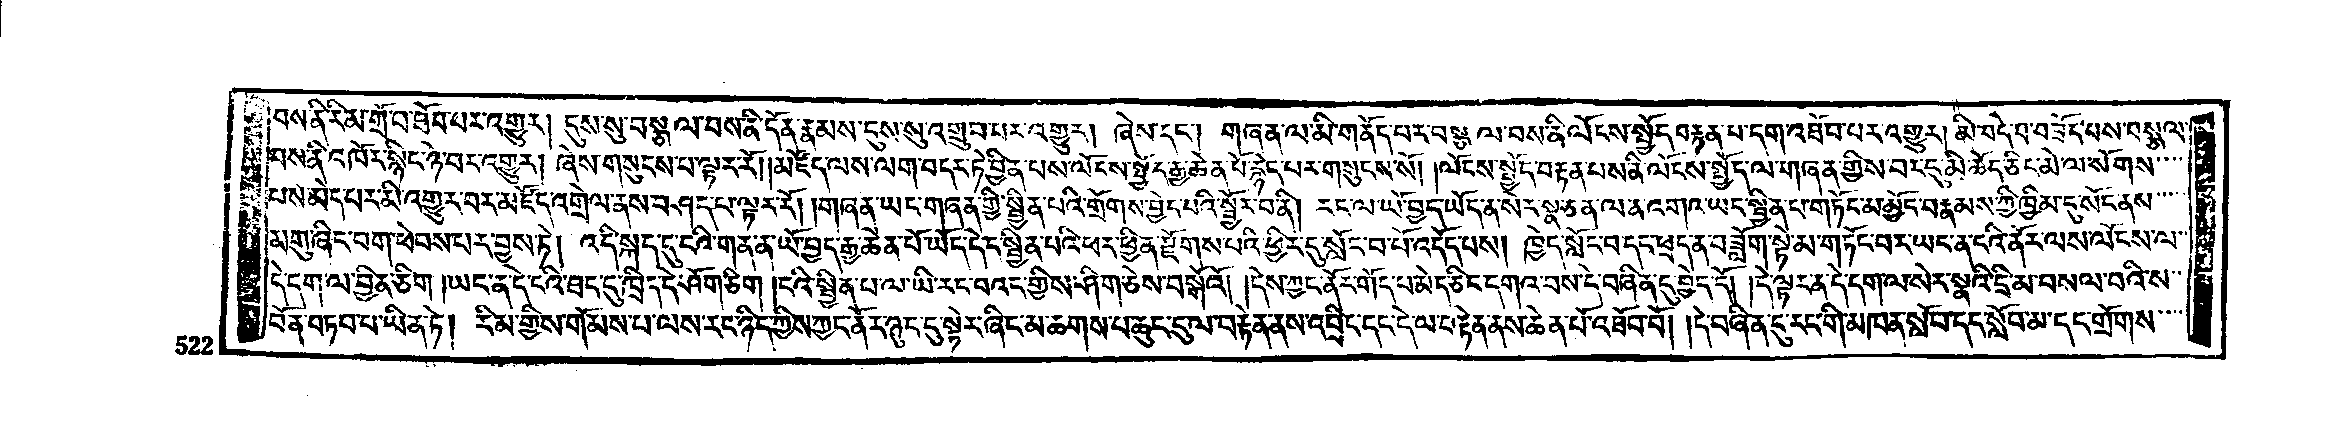བས་ནི་རིམ་གྲོ་བ་ཐོབ་པར་འགྱུར། དུས་སུ་བསྩལ་བས་ནི་དོན་རྣམས་དུས་སུ་འགྲུབ་པར་འགྱུར། ཞེས་དང་། གཞན་ལ་མི་གནོད་པར་བསྩལ་བས་ནི་ལོངས་སྤྱོད་བརྟན་པ་དག་འཐོབ་པར་འགྱུར། མི་བདེ་བ་བཟོད་པས་བསྩལ་
བས་ནི་འཁོར་སྙིང་ཉེ་བར་འགྱུར། ཞེས་གསུངས་པ་ལྟར་རོ། །མཛོད་ལས་ལག་བདར་ཏེ་བྱིན་པས་ལོངས་སྤྱོད་རྒྱ་ཆེན་པོ་རྙེད་པར་གསུངས་སོ། །ལོངས་སྤྱོད་བརྟན་པས་ནི་ལོངས་སྤྱོད་ལ་གཞན་གྱིས་བར་དུ་མི་ཆོད་ཅིང་མེ་ལ་སོགས་
པས་མེད་པར་མི་འགྱུར་བར་མཛོད་འགྲེལ་ནས་བཤད་པ་ལྟར་རོ། །གཞན་ཡང་གཞན་གྱི་སྦྱིན་པའི་གྲོགས་བྱེད་པའི་སྦྱོར་བ་ནི། རང་ལ་ཡོ་བྱད་ཡོད་ན་སེར་སྣ་ཅན་ལན་འགའ་ཡང་སྦྱིན་པ་གཏོང་མ་མྱོང་བ་རྣམས་ཀྱི་ཁྱིམ་དུ་སོང་ནས་
མགུ་ཞིང་བག་ཕེབས་པར་བྱས་ཏེ། འདི་སྐད་དུ་ངའི་གན་ན་ཡོ་བྱད་རྒྱ་ཆེན་པོ་ཡོད་དེང་སྦྱིན་པའི་ཕར་ཕྱིན་རྫོགས་པའི་ཕྱིར་དུ་སློང་བ་པོ་འདོད་པས། ཁྱེད་སློང་བ་དང་ཕྲད་ན་བཟློག་སྟེ་མ་གཏོང་བར་ཡང་ན་ངའི་ནོར་ལས་ལོངས་ལ་
དེ་དག་ལ་བྱིན་ཅིག །ཡང་ན་དེ་ངའི་ཐད་དུ་ཁྲིད་དེ་ཤོག་ཅིག །ངའི་སྦྱིན་པ་ལ་ཡི་རང་བའང་གྱིས་ཤིག་ཅེས་བསྒོའོ། །དེས་ཀྱང་ནོར་གོད་པ་མེད་ཅིང་དགའ་བས་དེ་བཞིན་དུ་བྱེད་དོ། །དེ་ལྟར་ན་དེ་དག་ལ་སེར་སྣའི་དྲི་མ་བསལ་བའི་ས་
བོན་བཏབ་པ་ཡིན་ཏེ། རིམ་གྱིས་གོམས་པ་ལས་རང་ཉིད་ཀྱིས་ཀྱང་ནོར་ཉུང་དུ་སྟེར་ཞིང་མ་ཆགས་པ་ཆུང་ངུ་ལ་བརྟེན་ནས་འབྲིང་དང་དེ་ལ་བརྟེན་ནས་ཆེན་པོ་འཐོབ་བོ། །དེ་བཞིན་དུ་རང་གི་མཁན་སློབ་དང་སློབ་མ་དང་གྲོགས་